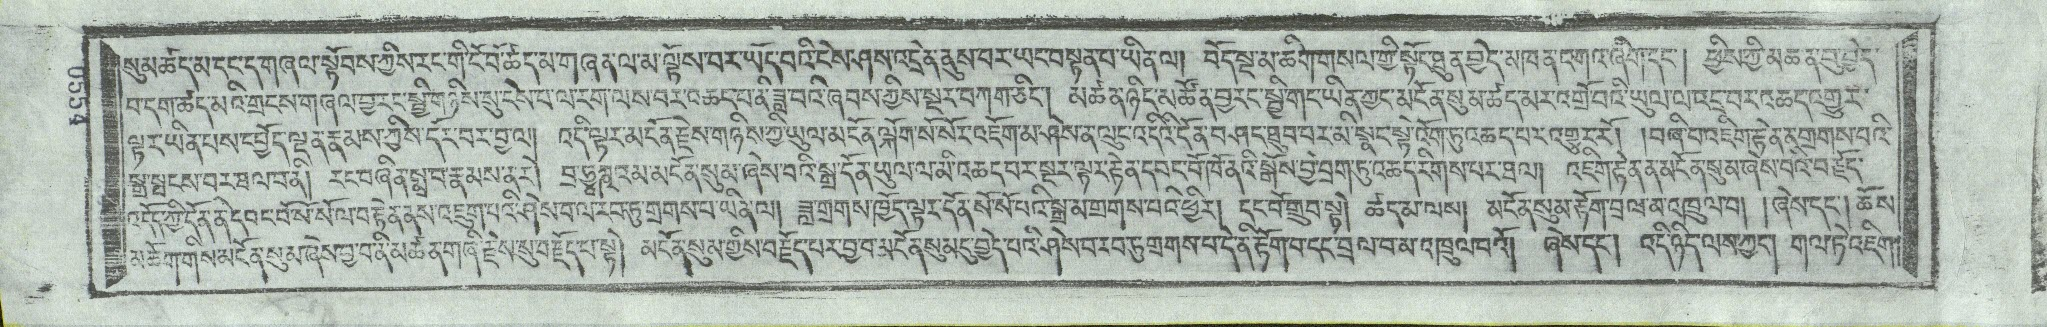སུམ་ཚད་མ་དང་དེ་གཞལ་སྟོབས་ཀྱིས་རང་གི་ངོ་བོ་ཆེད་མ་གཞན་ལ་མ་ལྟོས་བར་ཡོད་པའི་ངེས་ཤས་འདྲེན་ནུས་པར་ཡང་བསྟན་པ་ཡིན་ལ། བོད་སྔ་མ་ཚིག་གསལ་གྱི་སྟོང་ཐུན་བྱེད་མཁན་འགའ་ཞིག་དང་། ཕྱིས་ཀྱི་མཆན་བུ་བྱེད་
བ་དག་ཚད་མའི་གྲངས་གཞལ་བྱ་རང་སྤྱི་གཉིས་སུ་ངེས་པ་ལ་རག་ལས་བར་འཆད་པ་ནི་ཟླ་བའི་ཞབས་ཀྱིས་སྔར་བཀག་ཅིང་། མཚན་ཉིད་མཚོན་བྱ་རང་སྤྱི་གང་ཡིན་ཀྱང་མངོན་སུམ་ཚད་མར་འགྲོ་བའི་ཡུལ་ལ་འདྲ་བར་འཆད་འགྱུར་
ལྟར་ཡིན་པས་དཔྱོད་ལྡན་རྣམས་ཀྱིས་དོར་བར་བྱ་ལ། འདི་ལྟར་མངོན་རྗེས་གཉིས་ཀྱི་ཡུལ་མངོན་ལྐོག་སོ་སོར་འཇོག་མ་ཤེས་ན་ལུང་འདིའི་དོན་བཤད་ཐུབ་པར་མི་སྣང་སྟེ་འོག་ཏུ་འཆད་པར་འགྱུར་རོ། །བཞི་པ་འཇིག་རྟེན་ན་གྲགས་པའི་
སྒྲ་སྤངས་པར་ཐལ་བ་ནི། རང་བཞིན་སྨྲ་བ་རྣམས་ན་རེ། བྲ་ཏྱཱཀྵཱམ་མངོན་སུམ་ཞེས་པའི་སྒྲ་དོན་ཡུལ་ལ་མི་འཆད་པར་སྔར་ལྟར་རྟེན་དབང་པོ་ཁོ་ནའི་སྒོས་བྱེ་བྲག་ཏུ་འཆད་རིགས་པར་ཐལ། འཇིག་རྟེན་ན་མངོན་སུམ་ཞེས་པའི་བརྗོད་
འདོད་ཀྱི་དོན་ནི་དབང་པོ་སོ་སོ་ལ་བརྟེན་ནས་འཇུག་པའི་ཤེས་པ་ལ་རབ་ཏུ་གྲགས་པ་ཡིན་ལ། ཟླ་གྲགས་ཁྱོད་ལྟར་དོན་སོ་སོ་པའི་སྒྲ་མ་གྲགས་པའི་ཕྱིར། དང་པོ་གྲུབ་སྟེ། ཚད་མ་ལས། མངོན་སུམ་རྟོག་བྲལ་མ་འཁྲུལ་བ། །ཞེས་དང་། ཆོས་
མཆོག་གིས་མངོན་སུམ་ཞེས་བྱ་བ་ནི་མཚན་གཞི་རྗེས་སུ་བརྗོད་པ་སྟེ། མངོན་སུམ་གྱིས་བརྗོད་པར་བྱ་བ་མངོན་སུམ་དུ་བྱེད་པའི་ཤེས་པ་རབ་ཏུ་གྲགས་པ་དེ་ནི་རྟོག་པ་དང་བྲལ་བ་མ་འཁྲུལ་བའོ། ཞེས་དང་། འདི་ཉིད་ལས་ཀྱང་། གལ་ཏེ་འཇིག་